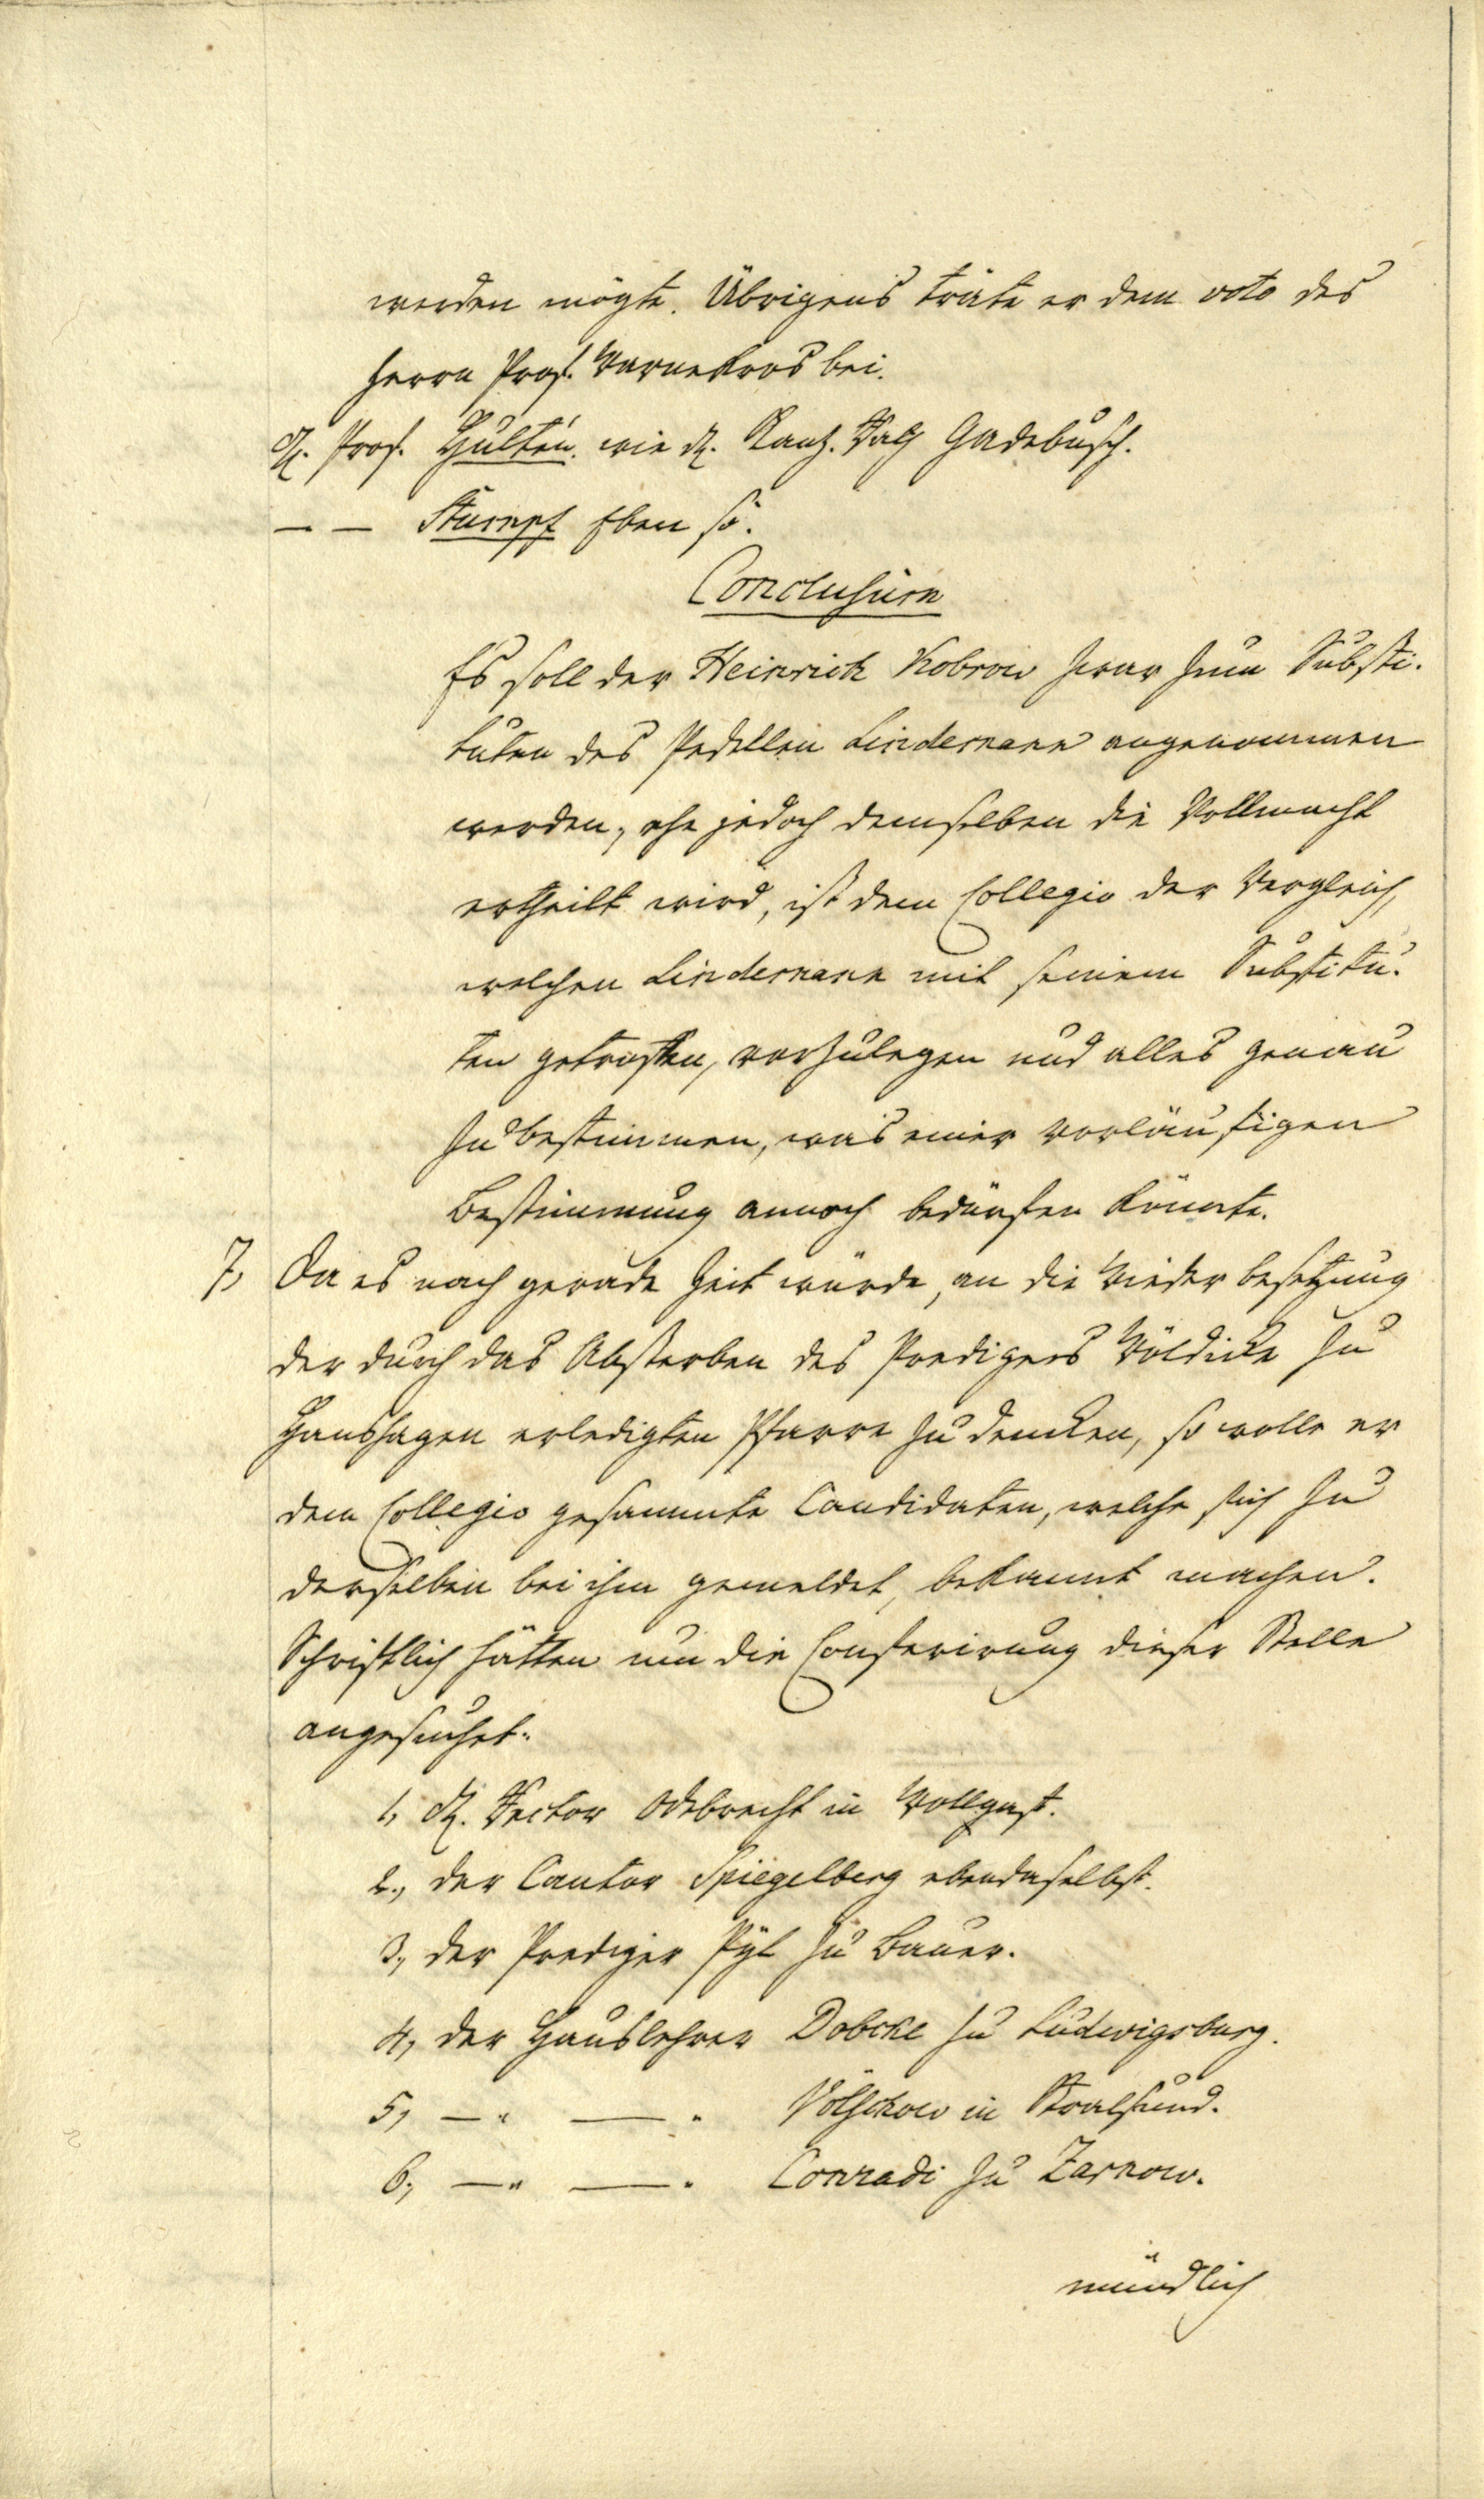werden mögte. Übrigens träte er dem voto des
herrn Prof. Warnekros bei.
dh. Prof. Hultén, wie dh. Kanz. Rath Gadebusch.
Stumpf Eben so.
Conclusum
Es soll der Heinrich Kobrow zwar zum Substi¬
tuten des Pedellen Lindemann angenommen
werden, ehe jedoch demselben die Vollmacht
ertheilt wird, ist dem Collegio der Vergleich,
welchen Lindemann mit seinem Substitu¬
ten getroffen, vorzulegen und alles genau
zubetimmen, was einer vorläufigen
Bestimmung annoch bedürfen könnte.
Da es nach gerade Zeit würde, an die Wieder besetzung
der durch das Absterben des Predigers Wöldicke zu
Hanshagen erledigten Pfarre zu dencken, so wolle er
dem Collegio gesammte Candidaten, welche sich zu
derselben bei ihm gemeldet bekannt machen.
Schriftlich hätten um die Conferirung dieser Stelle
angesuchet:
1. dh. Rector Odebrecht in Wolgast.
2, der Cantor Spiegelberg ebendaselbst.
3., der Prediger Pÿl zu Bauer¬
2., der Hauslehrer Dobcke zu Ludwigsburg.
5 " - -Völschow in Stralsund.
6., - — Conradi zu Zarnow.
mündlich